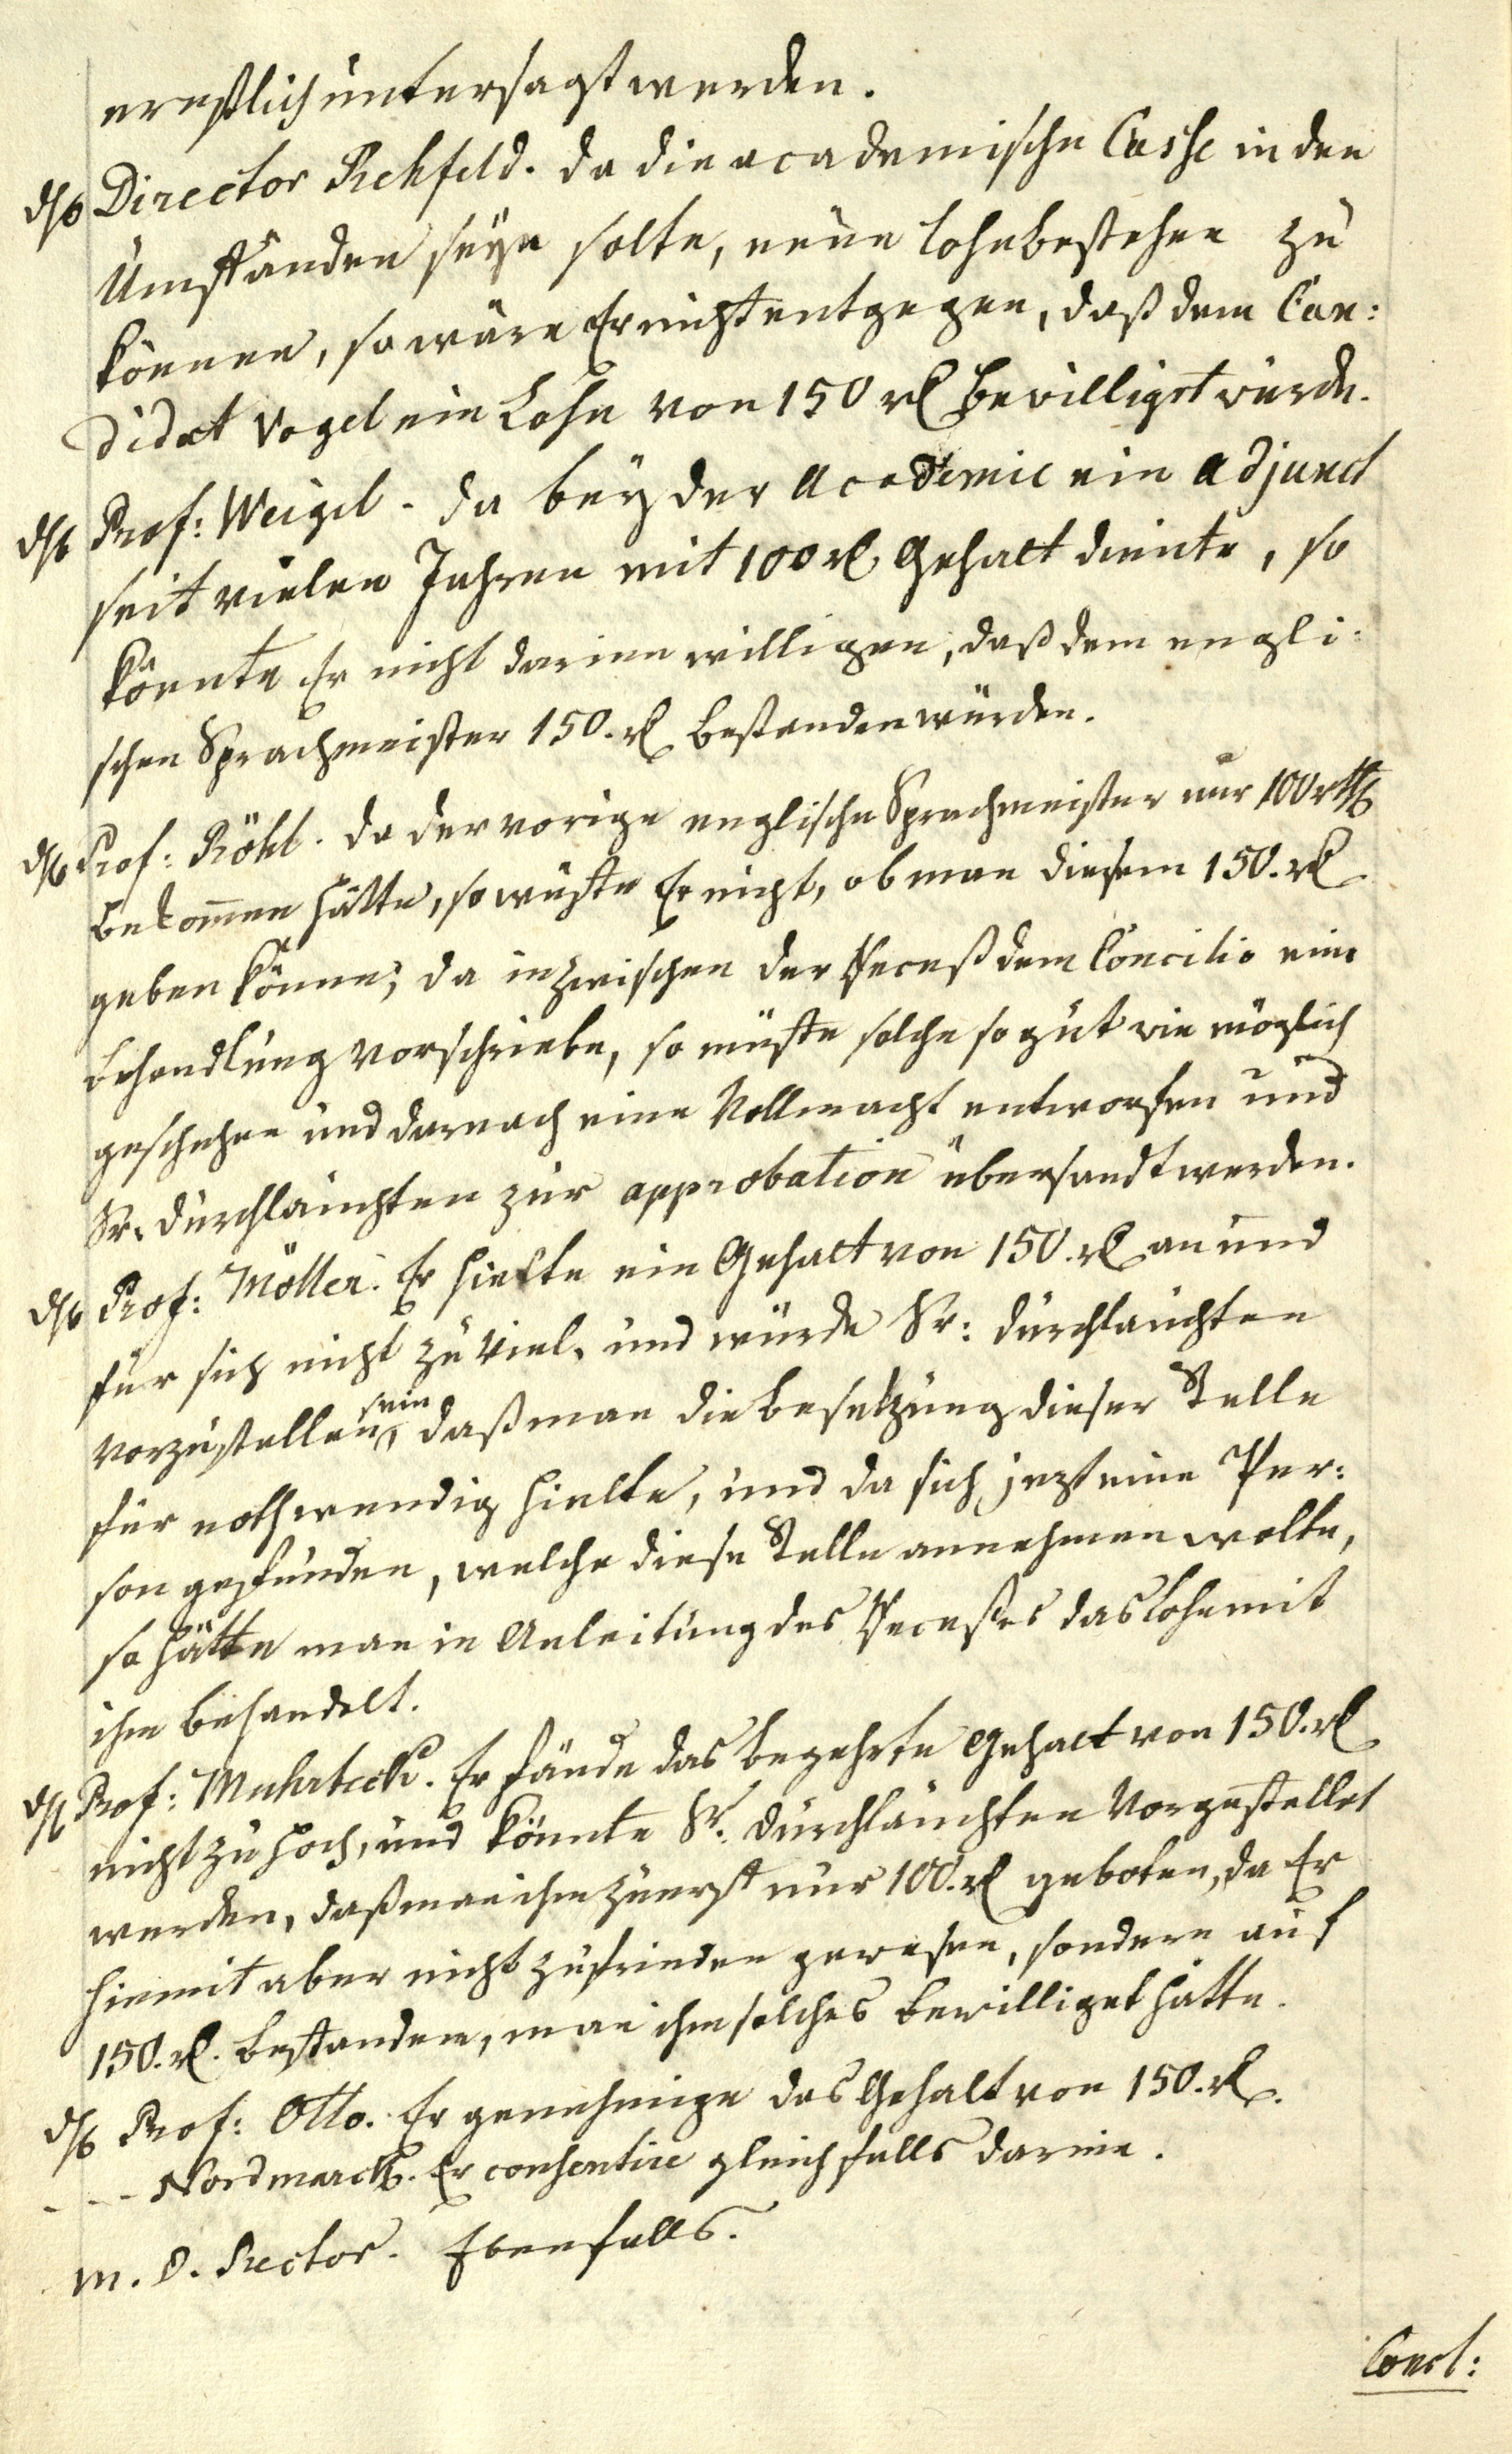ernstlich untersagt werden.
dh Director Rehfeld. Da die academische Casse in den
Umständen seÿn solte, neue Lohnbestehen zu
können, so wäre Er nicht entgegen, daß dem Can¬
didat Vogel ein Lohn von 150 r. bewilliget würde.
dh Prof. Weigel Da beÿ der Academie ein Adjunct
seit vielen Jahren mit 100 r. Gehalt diente, so
könnte Er nicht darin willigen, daß dem engli¬
schen Sprachmeister 150. r. bestanden würden.
dh Prof. Röhl. Da der vorige englische Sprachmeister nur 100 rth.
bekomen hätte, so wüste Er nicht, ob man diesem 150 r.
geben könne, da inzwischen der Receß dem Concilio eine
Behandlung vorschriebe, so müste solche so gut wie möglich
geschehen und darnach eine Vollmacht entworfen und
Sr. Durchlauchten zur approbation übersandt werden.
dh Prof. Möller. Er hielte ein Gehalt von 150 r an und
für sich nicht zu viel, und würde Sr. Durchlauchten
vorzustellen sein, daß man die Besetzung dieser Stelle
für nothwendig hielte, und da sich jezt eine Per¬
son gefunden, welche diese Stelle annehmen wolte,
so hätte man in Anleitung des Receßes das Lohn mit
ihm behandelt.
dh Prof. Muhrbeck. Er fände das begehrte Gehalt von 150 r.
nicht zu hoch, und könnte Sr. Durchlauchten vorgestellet
werden, daß man ihm zuerst nur 100 r geboten, da Er
hiemit aber nicht zufrieden gewesen, sondern auf
150. r. bestanden, man ihm solches bewilliget hätte.
dh Prof. Otto. Er genehmige das Gehalt von 150. r.
Nordmarck. Er consentire gleich falls darin.
M. D. Rector. Ebenfalls.